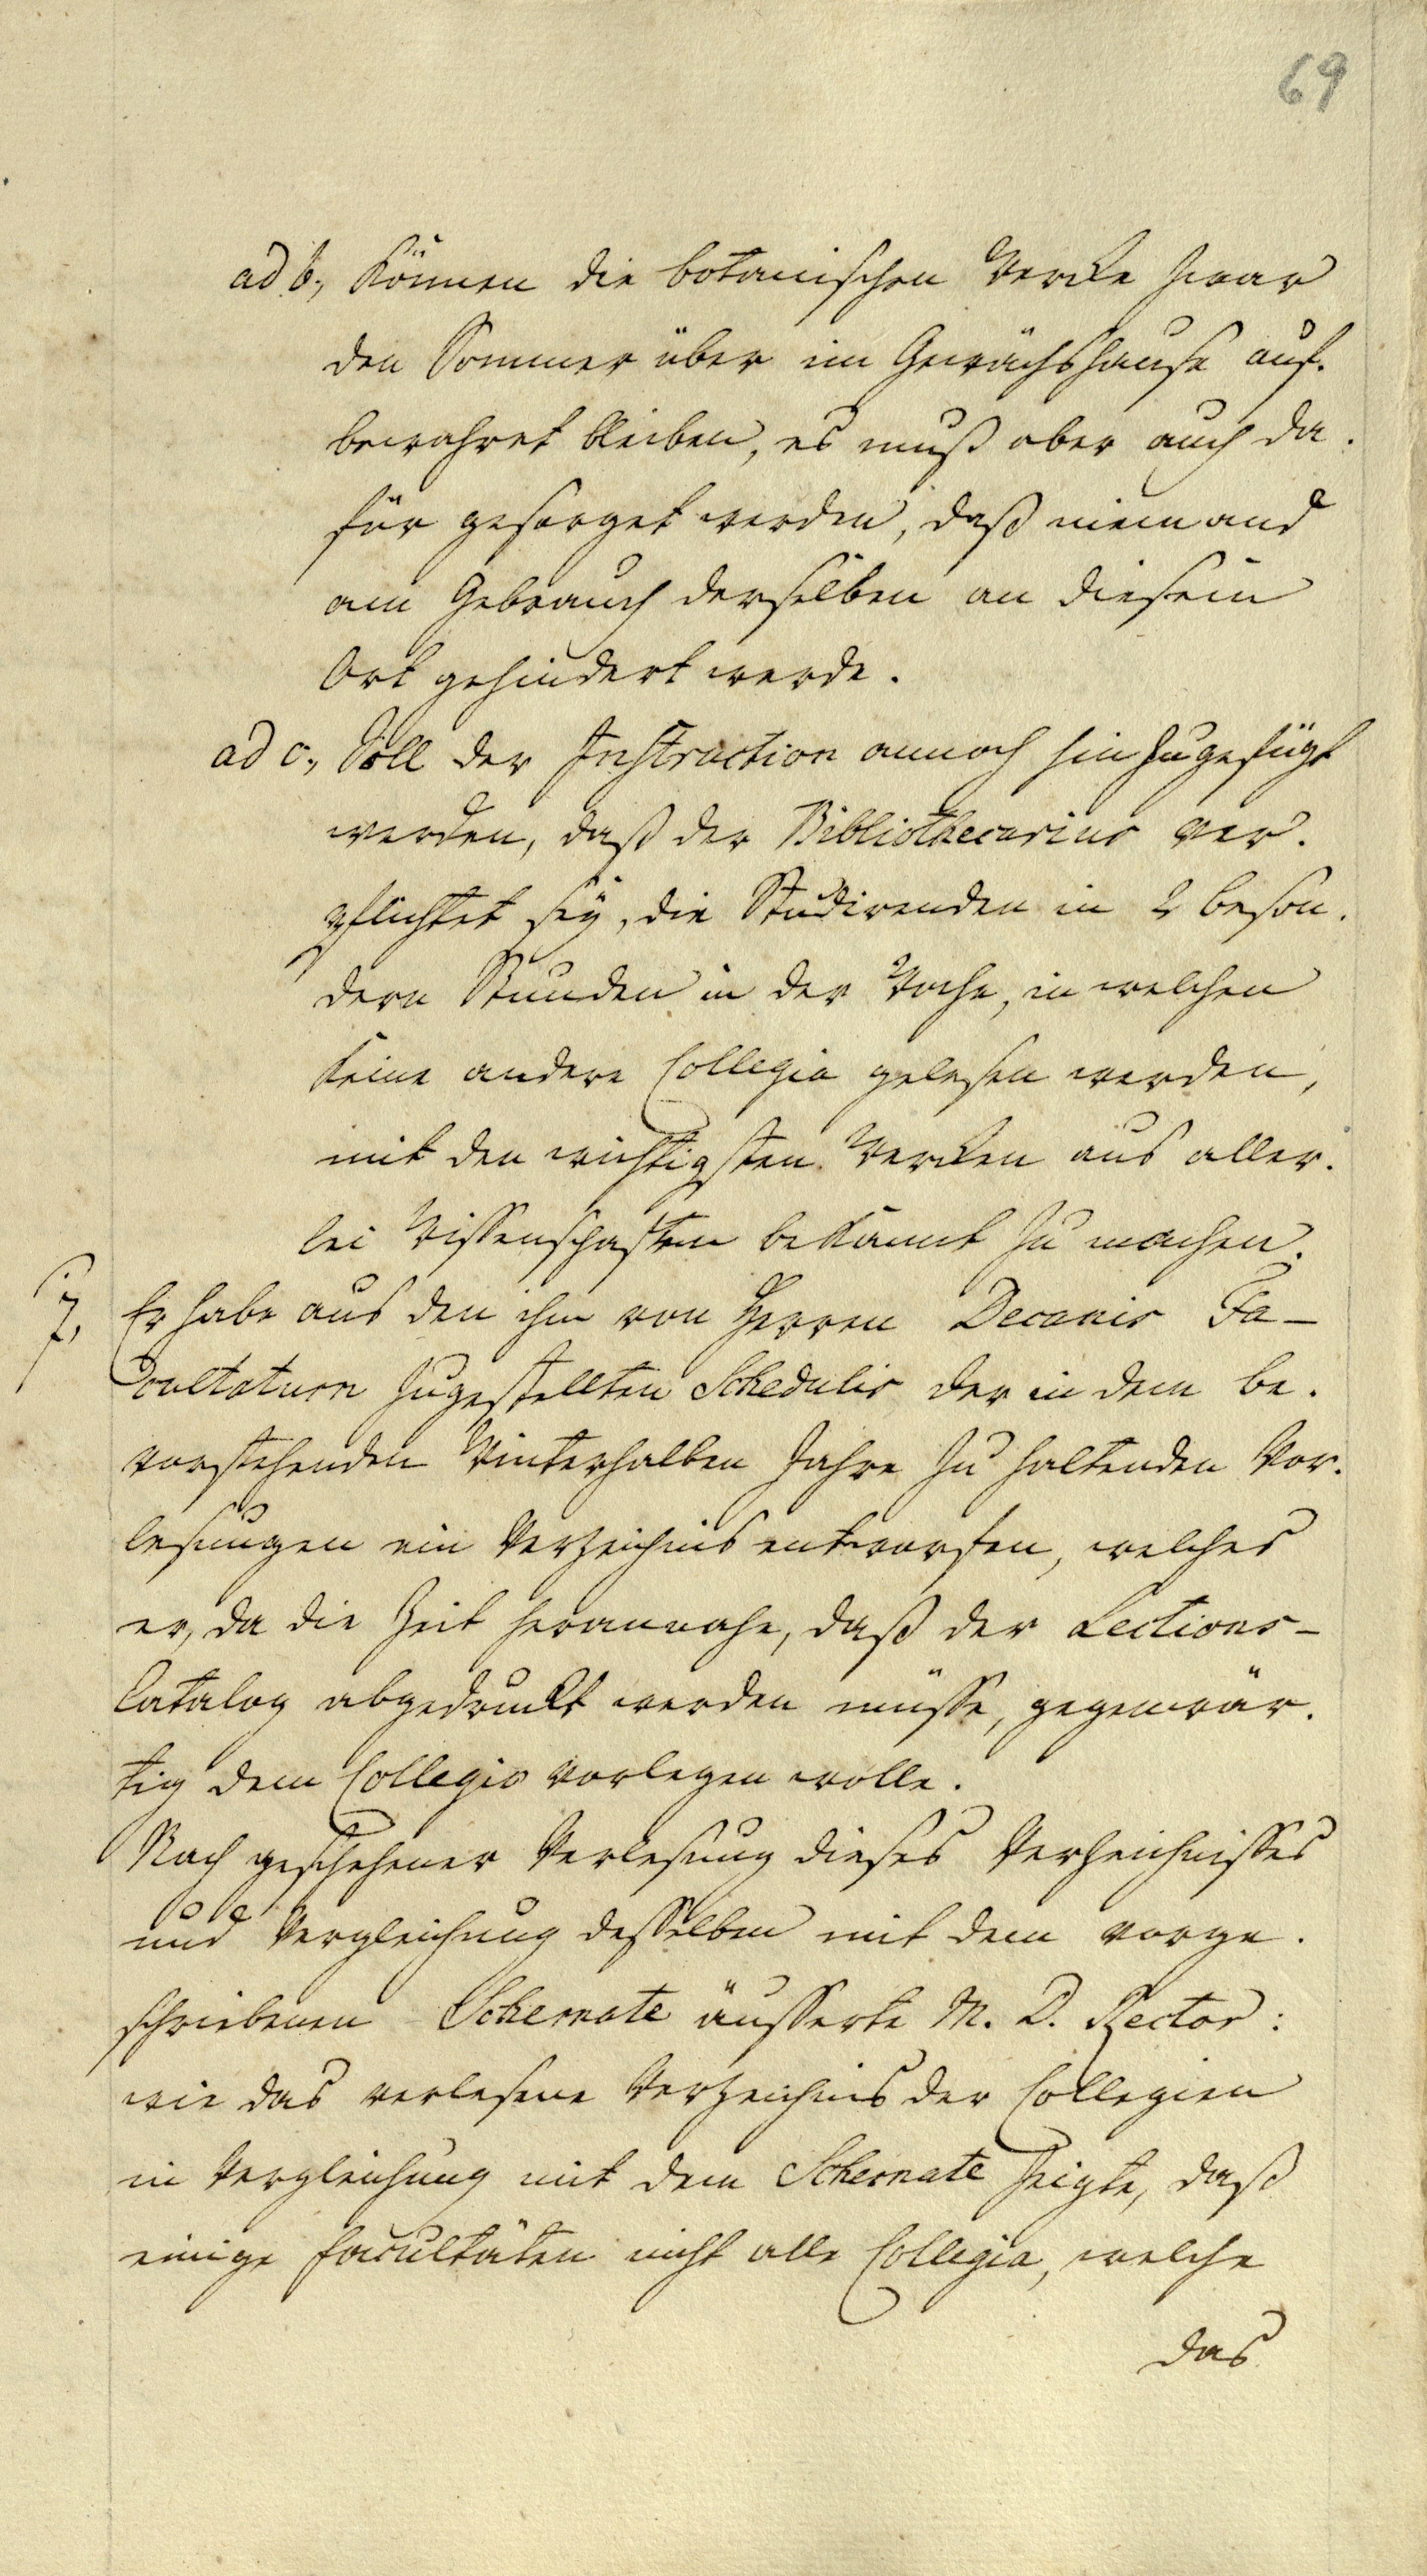ad b., können die botanischen Wercke zwar
den Sommer über im Gewächshause auf¬
bewahret bleiben, es muß aber auch da¬
für gesorget werden, daß niemand
am Gebrauch derselben an diesem
Ort gehindert werde.
ad c., Soll der Instruction annoch hinzugefügt
werden, daß der Bibliothecarius ver¬
pflichtet seÿ, die Studirenden in 2 beson¬.
dern Stunden in der Woche, in welchen
keine andere Collegia gelesen werden,
mit den wichtigsten Wercken aus aller¬
lei Wissenschaften bekannt zu machen.
7., Er habe aus den ihm von Herren Decanis Fa¬
cultatum zugestellten Schedulis der in dem be¬
vorstehenden Winterhalben Jahre zu haltenden Vor¬
lesungen ein Verzeichnis entworfen, welches
er, da die Zeit herannahe, daß der Lections¬
Catalog abgedruckt werden müsse, gegenwär¬
tig dem Collegio vorlegen wolle.
Nach geschehener Verlesung dieses Verzeichnisses
und Verleichung desselben mit dem vorge¬
schriebenen Schemate äusserte M. D. Rector:
wie das verlesene Verzeichnis der Collegien
in Vergleichung mit dem Schemate zeigte, daß
einige Facultäten nicht alle Collegia, welche
das